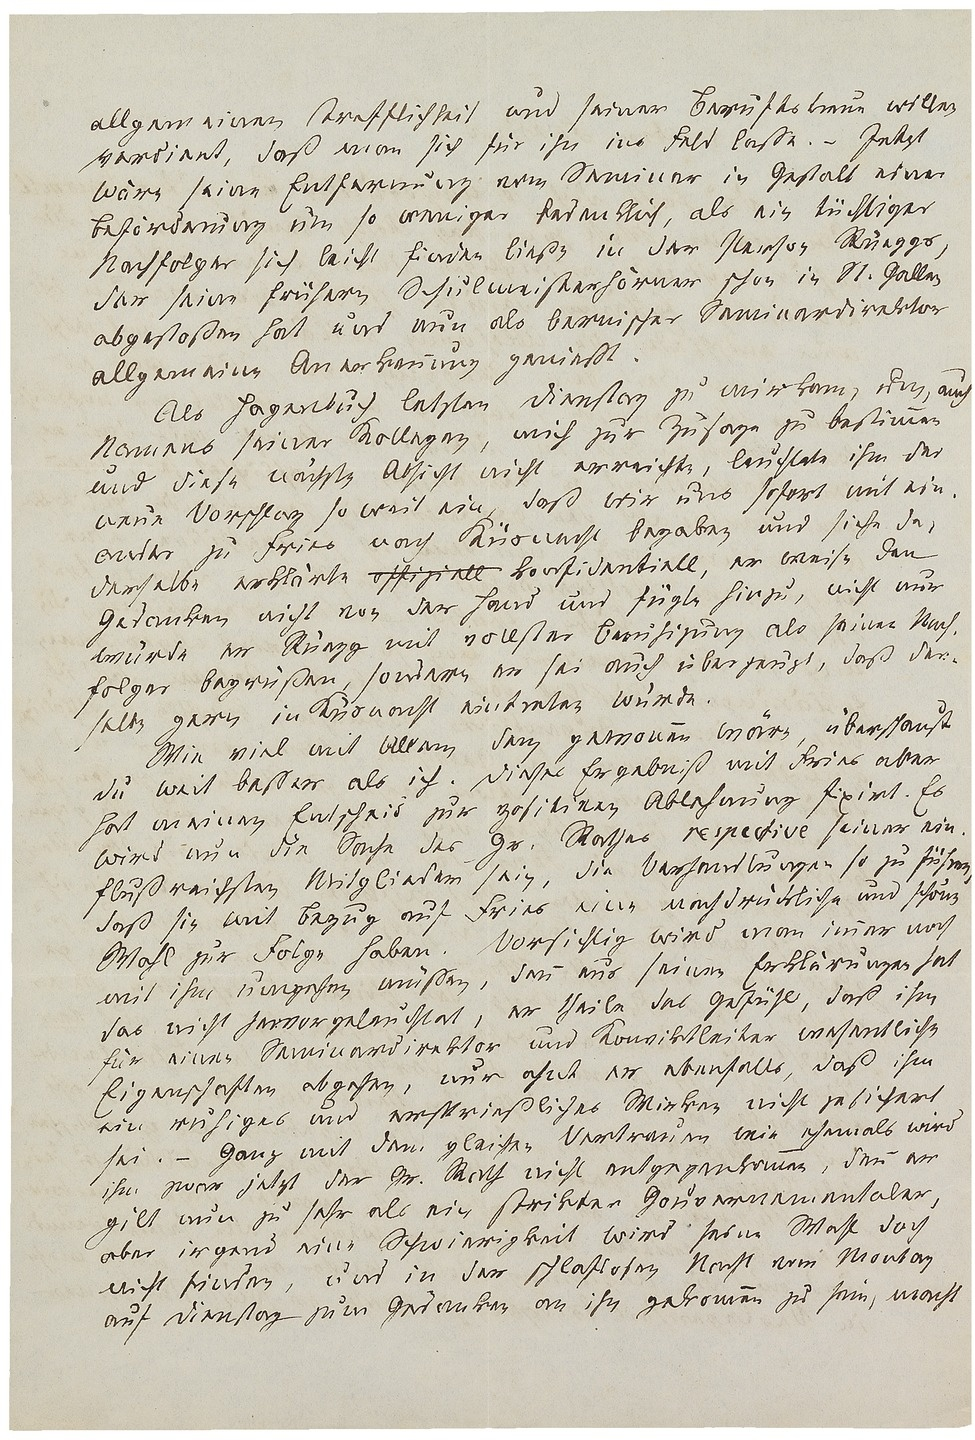allgemeinen Trefflichkeit und seiner Berufestreue willen
verdient, daß man sich für ihn ins Feld lasse. – Jetzt
wäre seine Entfernung vom Seminar in Gestalt einer
Beförderung um so weniger bedenklich, als ein tüchtiger
Nachfolger sich leicht finden ließe in der Person Rüeggs,
der seine frühern Schulmeisterhörner schon in St. Gallen
abgestoßen hat und nun als bernischer Seminardirektor
allgemeine Anerkennung genießt.
Als Hagenbuchletzten Dienstag zu mir kam, um, auch
Namens seiner Kollegen, mich zur Zusage zu bestimmen
und diese nächste Absicht nicht erreichte, leuchtete ihm der
neue Vorschlag so weit ein, daß wir uns sofort mit ein-
ander zu Fries nach Küsnacht begaben und siehe da,
derselbe erklärte konfidentiell, er weise den
Gedanken nicht von der Hand und fügte hinzu, nicht nur
würde er Rüegg mit vollster Beruhigung als seinen Nach-
folger begrüßen, sondern er sei auch überzeugt, daß der-
selbe gern in Küsnacht eintreten würde.
Wie viel mit Allem dem gewonnen wäre, überschaust
du weit besser als ich. Dieses Ergebniß mit Fries aber
hat meinen Entscheid zur positiven Ablehnung fixirt. Es
wird nun die Sache des Gr. Rathes respective seiner ein-
flußreichsten Mitglieder sein, die Verhandlungen so zu führen,
daß sie mit Bezug auf Freis eine nachdrückliche und schöne
Wahl zur Folge haben. Vorsichtig wird man immer noch
mit ihm umgehen müssen, denn aus seinen Erklärungen hat
das nicht hervorgeleuchtet, er theile das Gefühl, daß ihm
für einen Seminardirektor und Konviktleiter wesentliche
Eigenschaften abgehen, nur ahnt er ebenfalls, daß ihm
ein ruhiges und ersprießliches Wirken nicht gesichert
sei. – Ganz mit dem gleichen Vertrauen wie ehemals wird
ihm zwar jetzt der Gr. Rath nicht entgegenkommen, denn er
gilt nun zu sehr als ein strikter Gouvernementaler,
aber irgend eine Schwierigkeit wird seine Wahl doch
nicht finden, und in der schlaflosen Nacht vom Montag
auf Dienstag zum Gedanken an ihn gekommen zu sein, macht